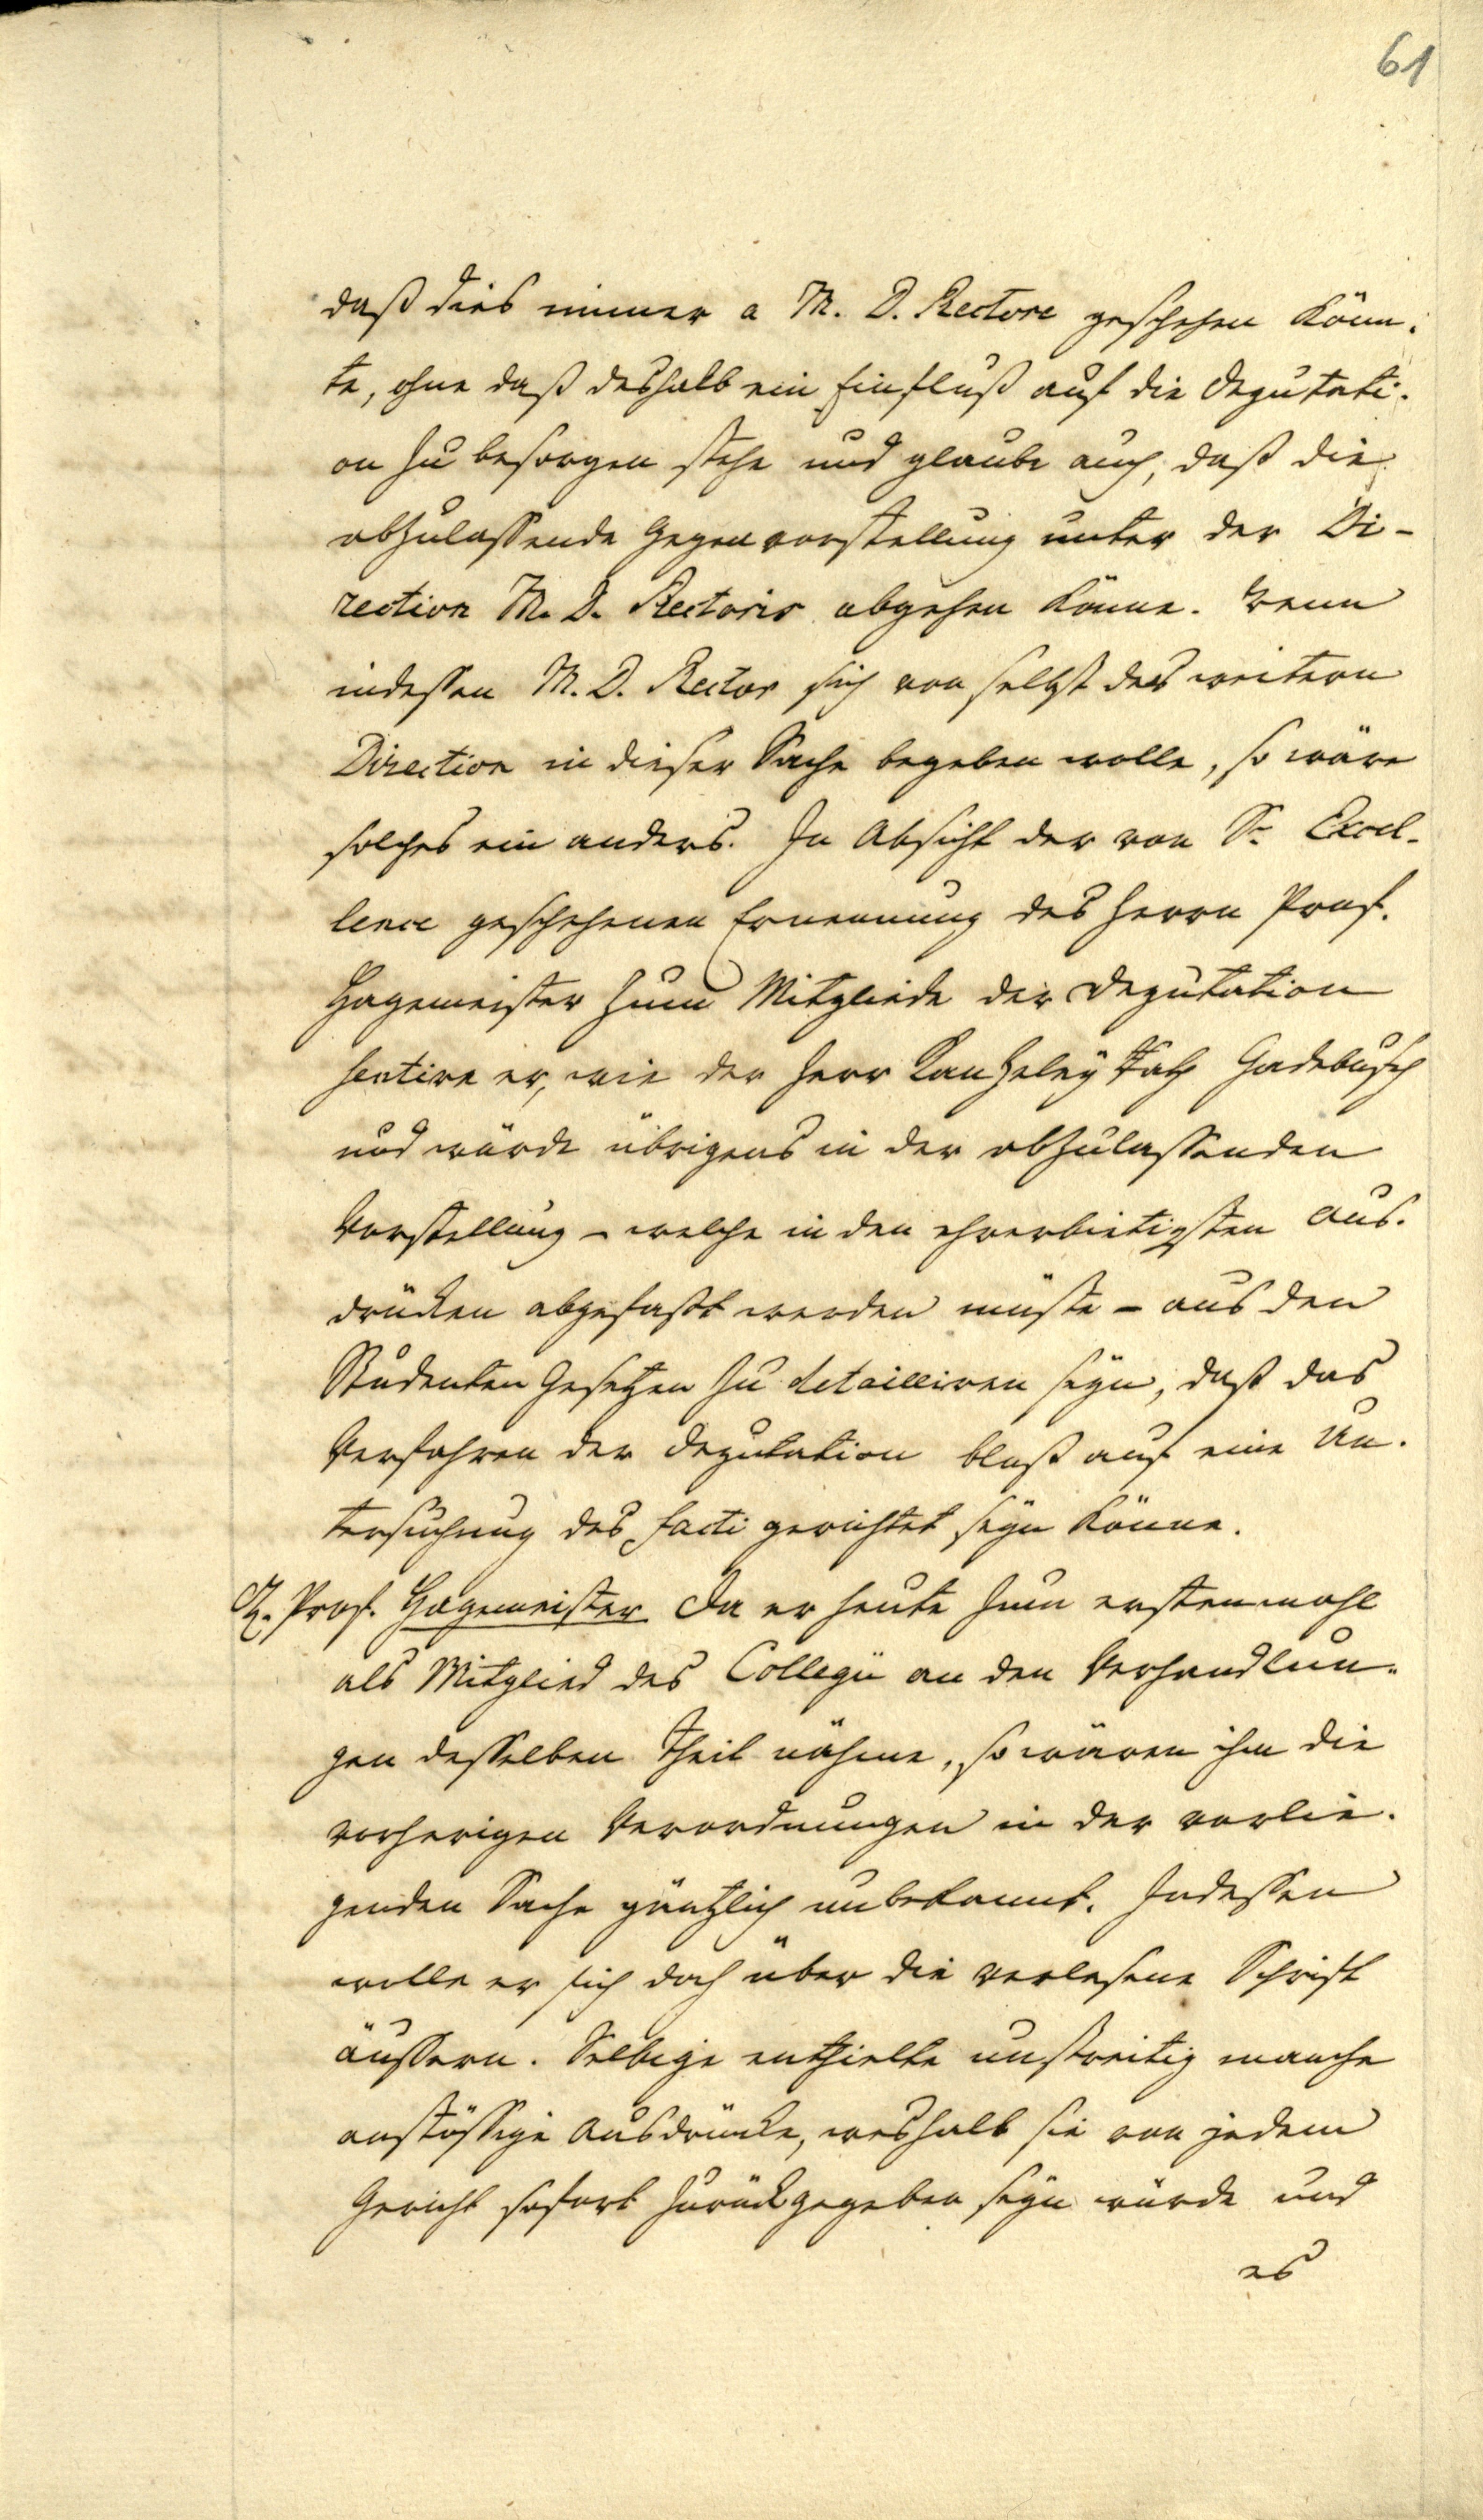daß dies immer a M. D. Rectore geschehen könn¬
te, ohne daß deshalb ein Einfluß auf die Deputati¬
on zu besorgen stehe und glaube auch, daß die
abzulassende Gegenvorstellung unter der Di¬
rection M. D. Rectoris abgehen könne. Wenn
indessen M. D. Rector sich von selbst der weitern
Direction in dieser Sache begeben wolle, so wäre
solches ein anders. In Absicht der von Sr. Excel¬
lence geschehenen Ernennung des Herrn Prof.
Hagemeister zum Mitgliede der Deputation
sentire er, wie der Herr Kanzeleÿ Rath Gadebusch
und würde übrigens in der abzulassenden
Vorstellung, welche in den ehrerbietigsten Aus
drücken abgefaßt werden müßte, aus den
Studenten Gesetzen zu detailliren seÿn, daß das
Verfahren der Deputation bloß auf eine Un¬
tersuchung des Facti gerichtet seÿn könne.
dh. Prof. Hagemeister. Da er heute zum erstenmahl
als Mitglied des Collegii an den Verhandlun¬
gen desselben Theil nähme, so wären ihm die
vorherigen Verordnungen in der vorlie¬
jenden Sache gäntzlich unbekannt. Indessen
wolle er sich doch über die verlesene Schrift
äussern. Selbige enthielte unstreitig manche
anstössige Ausdrücke, weshalb sie von jedem
Gericht sofort zurückgegeben seÿn würde und
es